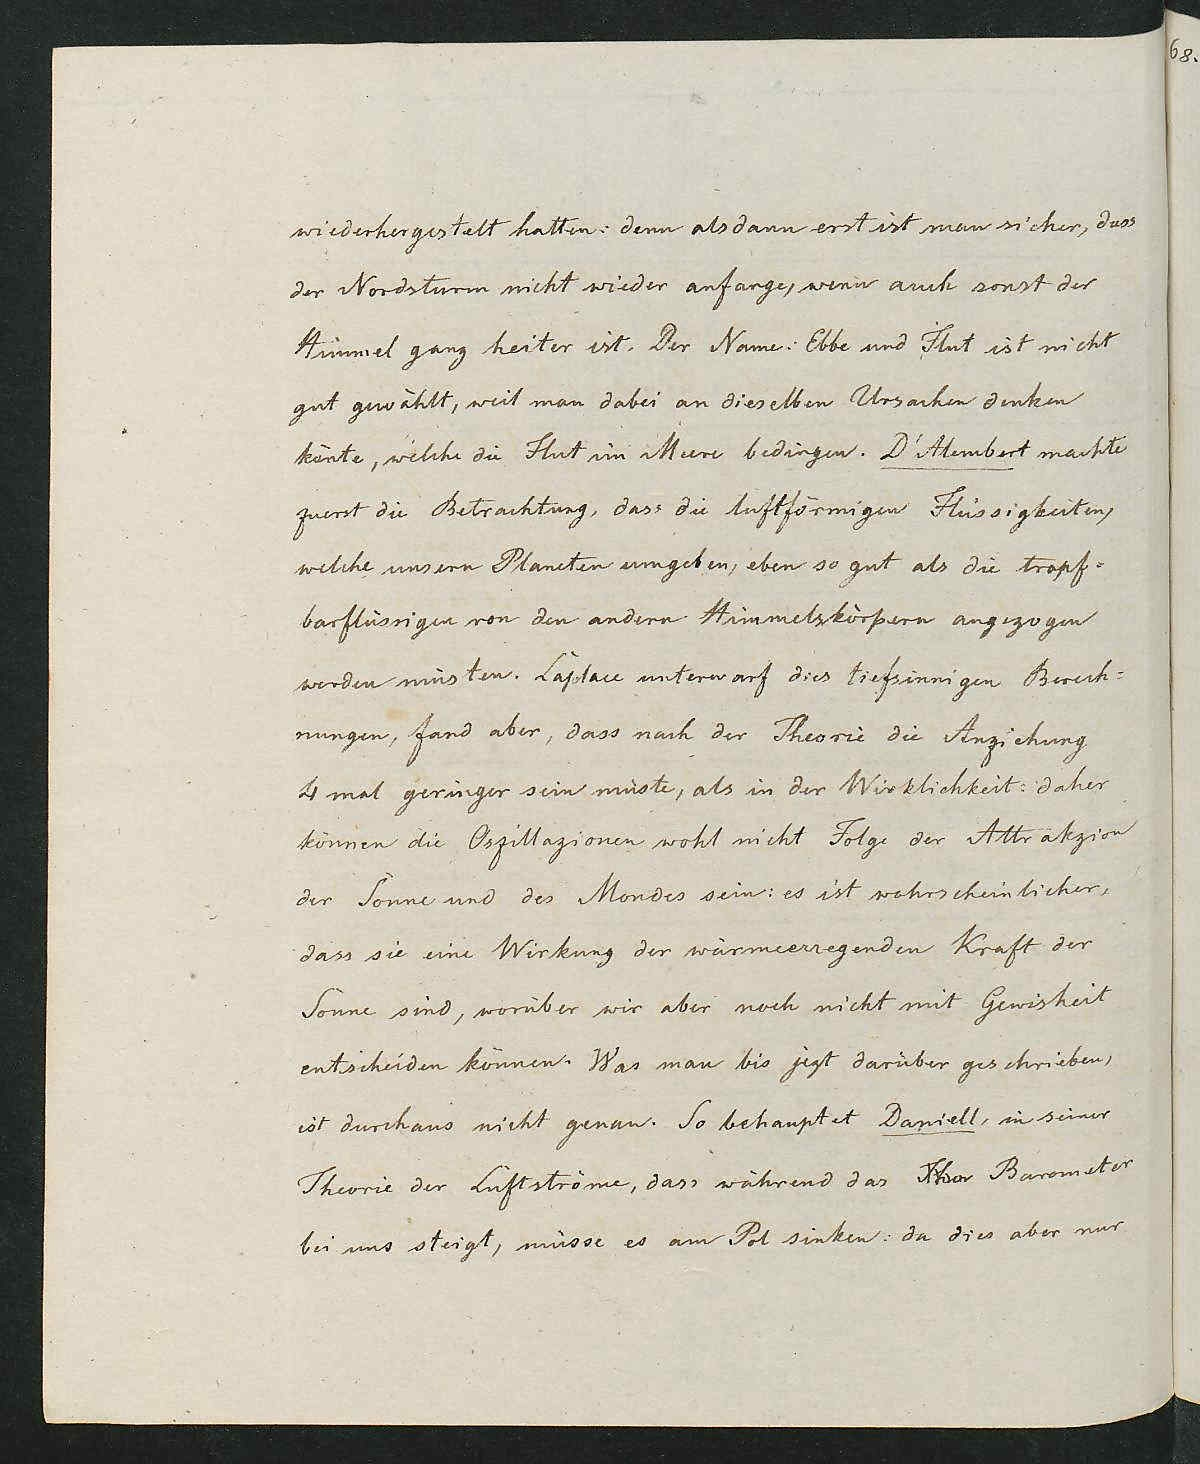wiederhergestelt hatten: denn alsdann erst ist man sicher, dass
der Nordsturm nicht wieder anfange, wenn auch sonst der
Himmel ganz heiter ist. Der Name: Ebbe und Flut ist nicht
gut gewählt, weil man dabei an dieselben Ursachen denken
könte, welche die Flut im Meere bedingen. D'Alembert machte
zuerst die Betrachtung, dass die luftförmigen Flüssigkeiten,
welche unsern Planeten umgeben, eben so gut als die tropf-
barflüssigen von den andern Himmelskörpern angezogen
werden müsten. Laplace unterwarf dies tiefsinnigen Berech-
nungen, fand aber, dass nach der Theorie die Anziehung
4 mal geringer sein müste, als in der Wirklichkeit: daher
können die Oszillazionen wohl nicht Folge der Attrakzion
der Sonne und des Mondes sein: es ist wahrscheinlicher,
dass sie eine Wirkung der wärmeerregenden Kraft der
Sonne sind, worüber wir aber noch nicht mit Gewisheit
entscheiden können. Was man bis jezt darüber geschrieben,
ist durchaus nicht genau. So behauptet Daniell, in seiner
Theorie der Luftströme, dass während das TherBarometer
bei uns steigt, müsse es am Pol sinken: da dies aber nur